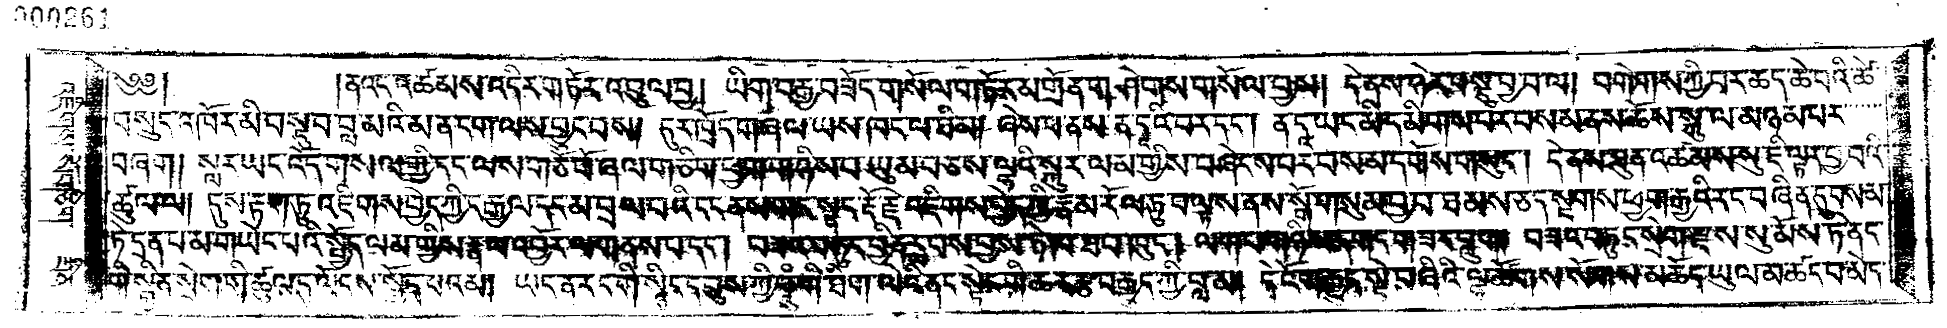༄༅། །ནའང་འཚམས་འདིར་གཏོར་འབུལ་བྱ། ཡིག་བརྒྱ་བཟོད་གསོལ་གཏོར་མགྲོན་གཤེགས་གསོལ་བྱས། དེ་ནས་ཉེར་བསྡུ་བྱ་བ་ལ། བགེགས་ཀྱི་བར་ཆད་ཆེ་བའི་ཚེ་
བསྲུང་འཁོར་མི་བསྡུ་བ་བླ་མའི་མན་ངག་ལས་བྱུང་བས། དུར་ཁྲོད་གཞལ་ཡས་ཁང་ལ་ཐིམ། ཞེས་པ་ནས་ན་དཱའི་བར་དང་། ན་དཱ་ཡང་མི་དམིགས་པར་བསམ་ནས་ཆོས་སྐུ་ལ་མཉམ་པར་
བཞག །སླར་ཡང་འོད་གསལ་གྱི་ངང་ལས་གཙོ་བོ་ཞལ་གཅིག་ཕྱག་གཉིས་པ་ཡུམ་བཅས་ལྷའི་སྐུར་ལམ་གྱིས་བཞེངས་པར་བསམ་དགོས་གསུང་། དེ་ནས་ཐུན་འཚམས་སུ་ཇི་ལྟར་བྱ་བའི་
ཚུལ་ལ། དུས་རྟག་ཏུ་འཇིགས་བྱེད་ཀྱི་ང་རྒྱལ་དང་མ་བྲལ་བའི་ངང་ནས་གང་སྣང་རྡོ་རྗེ་འཇིགས་བྱེད་ཀྱི་རྣམ་རོལ་ཏུ་བལྟས་ནས་སྒོ་གསུམ་བྱ་བ་ཐམས་ཅད་སྔགས་ཕྱག་རྒྱའི་རང་བཞིན་དུ་བསམ་
ཏེ་དྲན་པ་མ་གཡེང་བའི་སྤྱོད་ལམ་གྱིས་རྣལ་འབྱོར་ལ་གནས་པ་དང་། བཟའ་བཏུང་བྱིན་རླབས་བྱས་ཏེ་ཁ་ཐབ་ཁུང་། ལག་པ་གཉིས་དགང་གཟར་བླུག །བཟའ་བཏུང་སྲེད་རྫས་སུ་མོས་ཏེ་ནང་
གི་སྦྱིན་སྲེག་གི་ཚུལ་དུ་ལོངས་སྤྱོད་པའམ། ཡང་ན་རང་གི་སྙིང་དབུས་ཀྱི་ཧཱུཾ་གི་ཐིག་ལེའི་ནང་སྟེང་གི་ཆར་རྩ་བརྒྱུད་ཀྱི་བླ་མ། དེ་འོག་རྒྱུད་སྡེ་བཞིའི་ལྷ་ཚོགས་སོགས་མཆོད་ཡུལ་མ་ཚང་བ་མེད་